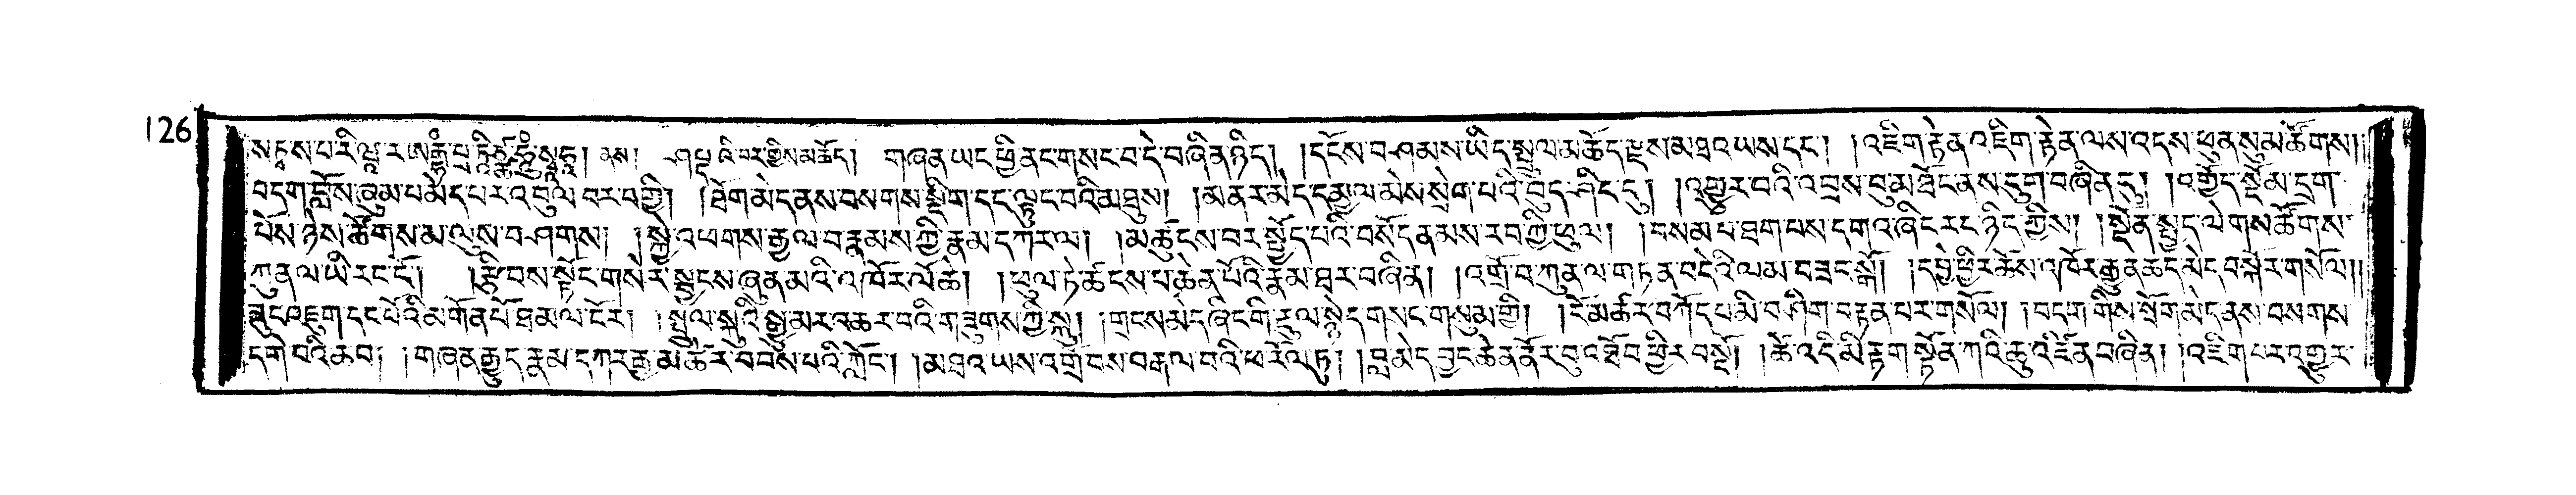ས་ཏྭ་ས་པ་རི་ཝཱ་ར་ཨརྒྷཾ་པྲ་ཏཱི་ཙྪ་ཧཱུཾ་སྭཱ་ཧཱ། ནས། ཤྤྡའི་བར་གྱིས་མཆོད། །གཞན་ཡང་ཕྱི་ནང་གསང་བ་དེ་བཞིན་ཉིད། །དངོས་བཤམས་ཡིད་སྤྲུལ་མཆོད་རྫས་མཐའ་ཡས་དང་། །འཇིག་རྟེན་འཇིག་རྟེན་ལས་འདས་ཕུན་སུམ་ཚོགས། །
བདག་བློས་ཞུམ་པ་མེད་པར་འབུལ་བར་བགྱི། །ཐོག་མེད་ནས་བསགས་སྡིག་དང་ལྟུང་བའི་མཐུས། །མནར་མེད་དམྱལ་མེས་སྲེག་པའི་བུད་ཤིང་དུ། །འགྱུར་བའི་འབྲས་བུ་མཐོང་ནས་དུག་བཞིན་དུ། །འགྱོད་སྡོམ་དྲག་
པོས་ཉེས་ཚོགས་མ་ལུས་བཤགས། །སྐྱེ་འཕགས་རྒྱལ་བ་རྣམས་ཀྱི་རྣམ་དཀར་ལ། །མཚུངས་པར་སྤྱོད་པའི་བསོད་ནམས་རབ་ཀྱི་ཕུལ། །བསམ་པ་ཐག་པས་དགའ་ཞིང་རང་ཉིད་ཀྱིས། །སྔོན་སྤྱད་ལེགས་ཚོགས་
ཀུན་ལ་ཡི་རང་ངོ། །རྩིབས་སྟོང་གསེར་སྦྱངས་ཞུན་མའི་འཁོར་ལོ་ཆེ། །ཕུལ་ཏེ་ཚངས་པ་ཆེན་པོའི་རྣམ་ཐར་བཞིན། །འགྲོ་བ་ཀུན་ལ་གཏན་བདེའི་ལམ་བཟང་སྒོ །དབྱེ་ཕྱིར་ཆོས་འཁོར་རྒྱུན་ཆད་མེད་བསྐོར་གསོལ། །
ཟུང་འཇུག་དང་པོའི་མགོན་པོ་ཐ་མལ་ངོར། །སྤྲུལ་སྐུའི་སྒྱུ་མར་འཆར་བའི་གཟུགས་ཀྱི་སྐུ། །གྲངས་མེད་ཞིང་གི་རྡུལ་སྙེད་གསང་གསུམ་གྱི། །ངོ་མཚར་བཀོད་པ་མི་བཤིག་བརྟན་པར་གསོལ། །བདག་གིས་སྲོག་མེད་ནས་བསགས་
དགེ་བའི་ཆབ། །གཞན་རྒྱུད་རྣམ་དཀར་རྒྱ་མཚོར་བབས་པའི་ཀློང་། །མཐའ་ཡས་འགྲོ་བས་བརྒལ་བའི་ཕ་རོལ་ཏུ། །བླ་མེད་བྱང་ཆེན་ནོར་བུ་འཐོབ་ཕྱིར་བསྔོ། །ཚེ་འདི་མི་རྟག་སྟོན་ཀའི་ཆུ་འཛིན་བཞིན། །འཇིག་པར་འགྱུར་